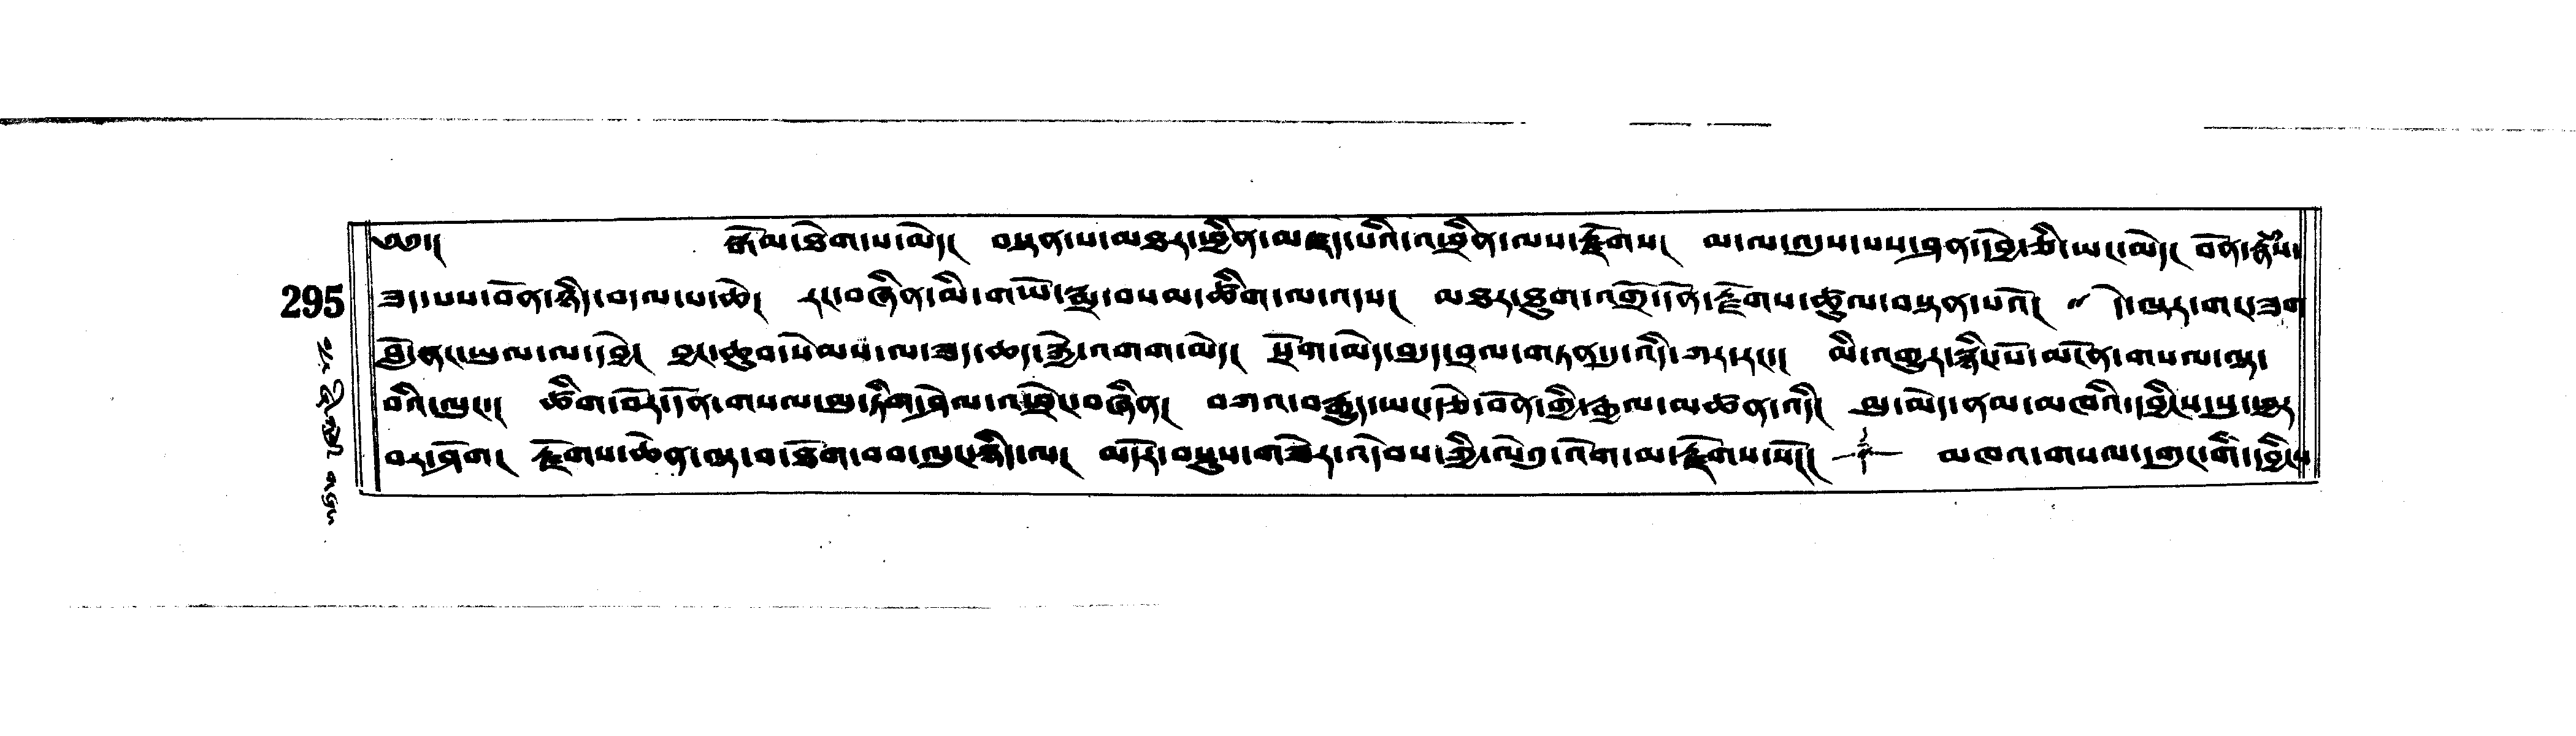སྒོམ་ཐེག་པ་མེད། བསྟན་པ་མཐར་ཕྱིན་མཛད་པའི་འཕྲིན་ལས་རྫོགས། མ་ལ་འདུས་པས་ཤན་དབྱེ་ཅི་ཡང་མེད། བོན་རྣམས་
ཟད་པས་བོན་ཉིད་བདལ་པ་ཆེ། རང་བཞིན་མི་གཡོ་སྨྲ་བསམ་ཚིག་ལས་འདས། མཐར་ཐུག་འགྲོ་དོན་རྫོགས་ཚུལ་བསྟན་པའོ། ༧ དེ་ལྟར་གང་ཟག་
བློ་སྣང་ཡུལ་ལ་དབྱེ། བྱང་ཆུབ་སེམས་ལ་ཟད་ཆད་སྐྱེ་འགག་མེད། སྲོག་མེད་བདུད་བྲལ་གཏན་དུ་འདི་ཀར་རང་། མི་འགྱུར་སྙིང་པོ་མངོན་གསལ་ལྟ་
བའི་ལུང་། ཚིག་བོར་དོན་གསལ་མུ་ཏིག་ཤེལ་ཕྲེང་བཞིན། བཀའ་བརྒྱུད་ཡང་རྩེ་བོན་གྱི་རྒྱལ་མཚན་འདི། མུ་མེད་ནམ་མཁའི་དབྱིངས་སུ་ཕྱར་
བར་ཤོག རྫོགས་ཆེན་ལྟ་བ་ཐོག་དབབ་ལུང་ཉིད་ལ། མདོར་བསྡུས་གཟེར་འདེབས་ཀྱི་ལེའུ་འོག་མ་རྫོགས་སོ།། ༧ །།མཁའ་གསལ་དགུང་གི་དབྱིངས་